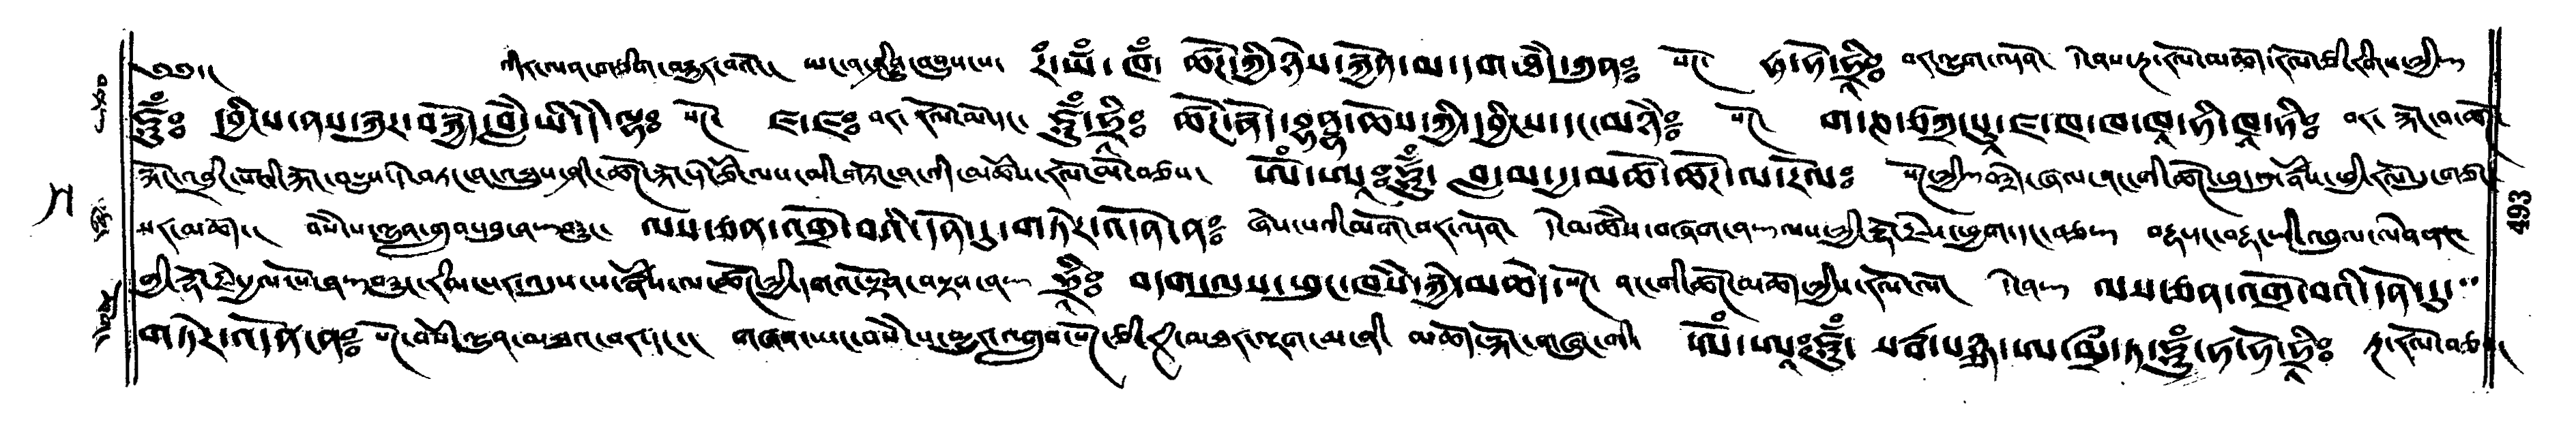འདིར་ལན་གཅིག་བསྐྱར་བའོ། ཡང་ན་ཤིན་ཏུ་བསྡུས་པ།རྃ་ཡྃ་ཁྃ༔ ཚོགས་ཀྱི་ཉེས་སྐྱོན་མ་དག་ཐམས་ཅད་ཀུན༔ སོགས། ཧ་ཧོ་ཧྲཱིཿ བར་ལྷུག་འདོན། དེ་ནས་རྔ་རོལ་མཆོད་རོལ་ཅི་རིགས་ཀྱིས། 
ཧཱུྃ༔ དབྱིངས་ནས་སྐུར་སྐྱོད་བླ་མ་ཡི་དམ་ལྷ༔ སོགས། ཛ་ཛ༔ བར། རོལ་མོ་དང་། ཧཱུྃ་ཧྲཱི༔ ཚོགས་སྣོད་བྷནྡྷ་ཆོས་ཀྱི་དབྱིངས་དང་མཉམ༔ སོགས། ག་ཎ་ཙཀྲ་པཱུ་ཛ་ཁ་ཁ་ཁཱ་ཧི་ཁཱ་ཧི༔ བར། སྐོང་བ་ཚོགས་
སྐོང་འབྲིང་པོའི་སྐང་བསྡུས་དེ་བཏང་ན་འཐུས་ཤིང་ཚོགས་སྐོང་དེ་ཙམ་ལས་མི་གཏོང་ན་འདི་མཚམས་རོལ་མོ་བཅས། ཨོཾ་ཨཱཿཧཱུྃ། བླ་མ་རྒྱ་མཚོ་ཚོགས་ལ་རོལ༔ སོགས་ཀྱིས་བཟེད་ཞལ་ནང་གི་ཚོགས་ཕུད་རྣམས་ཕྱི་རོལ་དུ་གཙང་
སར་མཆོད། བསམ་པ་ལྷུན་གྲུབ་དབུ་ནས་བཟུང་། ལས་ཅན་འགྲོ་བའི་དོན་དུ་གཏེར་འདོན་ན༔ ཞེས་པའི་མགོ་བར་འདོན། དེ་མཚམས་བཞག་ནས་ལས་ཀྱི་རྡོ་རྗེས་ཕྱག་དང་བཅས། བརྡ་དང་བརྡ་ཡི་འབུལ་ལེན་
གྱིས་རྡོ་རྗེ་རྒྱལ་པོ་ནས་བཟུང་རིམ་པར་འདུས་པ་རྣམས་ལ་ཚོགས་ཀྱི་དགའ་སྟོན་བསྟབས་ནས། ཧྲཱི༔ བདག་ལུས་ཕུང་ཁམས་སྐྱེ་མཆེད༴ སོགས་ནང་གི་ཚོགས་མཆོད་ཀྱིས་རོལ་ལོ། དེ་ནས། ལས་ཅན་འགྲོ་བའི་དོན་དུ་
གཏེར་འདོན་ན༔ སོགས་བསམ་ལྷུན་མཐའ་བར་དང་། གཞན་ཡང་བསམ་པ་མྱུར་འགྲུབ་སོགས་ཅི་རིགས་མཐར་ལྷག་མ་ནི། མཆོད་སྐོང་གཞུང་གི ཨོཾ་ཨཱཿཧཱུྃ༔ སརྦ་པཉྩ་ཨ་མྲྀ་ཏ་ཧཱུྃ་ཧ་ཧོ་ཧྲཱི༔ རྔ་རོལ་གཅད།